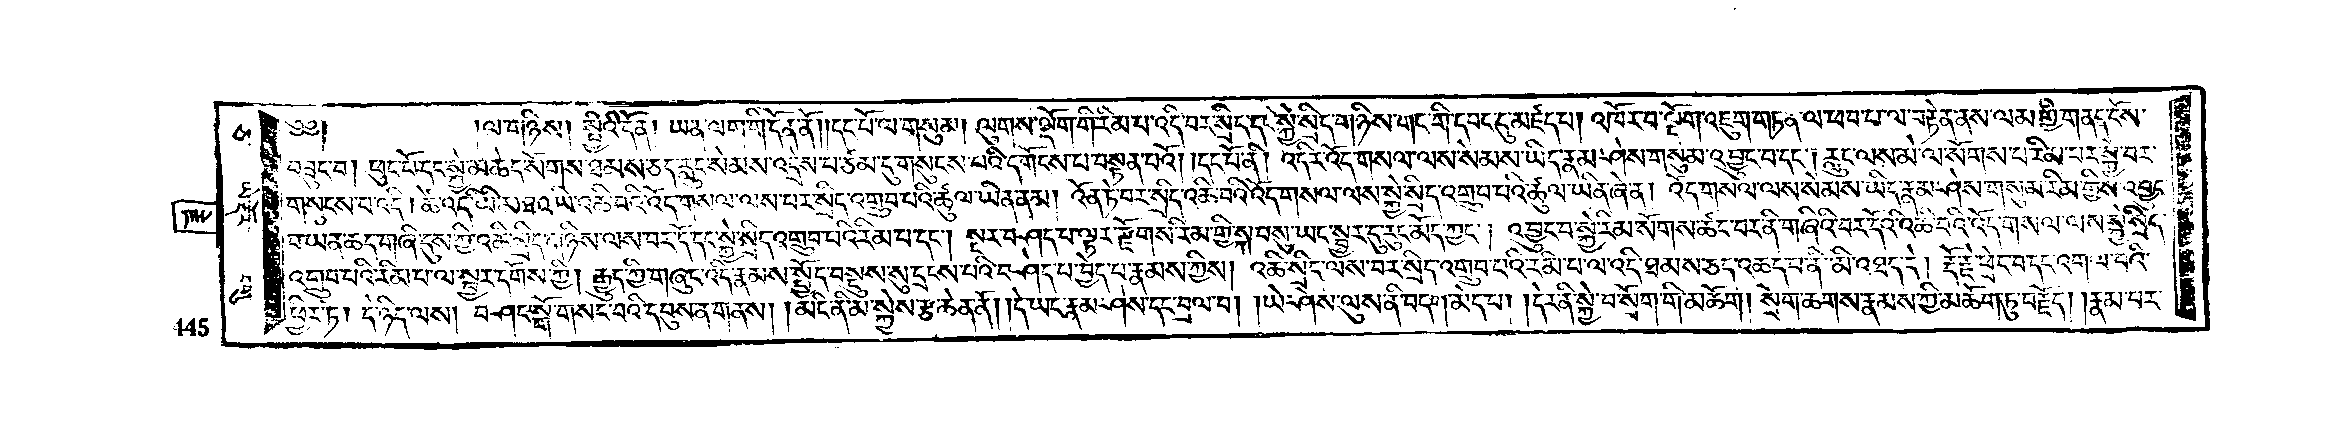༄༅། །ལ་གཉིས། སྤྱིའི་དོན། ཡན་ལག་གི་དོན་ནོ། །དང་པོ་ལ་གསུམ། ལུགས་ལྡོག་གི་རིམ་པ་འདི་བར་སྲིད་དང་སྐྱེ་སྲིད་གཉིས་གང་གི་དབང་དུ་མཛད་པ། འཁོར་བ་ལྡོག་འཇུག་གཏན་ལ་ཕབ་པ་ལ་བརྟེན་ནས་ལམ་གྱི་གནད་ངོས་
བཟུང་བ། ཕུང་པོ་དང་སྐྱེ་མཆེད་སོགས་ཐམས་ཅད་རླུང་སེམས་འདྲེས་པ་ཙམ་དུ་གསུངས་པའི་དགོངས་པ་བསྟན་པའོ། །དང་པོ་ནི། འདིར་འོད་གསལ་ལས་སེམས་ཡིད་རྣམས་ཤེས་གསུམ་འབྱུང་བ་དང་། རླུང་ལས་མེ་ལ་སོགས་པ་རིམ་པར་སྐྱེ་བར་
གསུངས་པ་འདི། ཚེ་འདི་ཡི་མཐའ་ཡི་འཆི་བའི་འོད་གསལ་ལས་བར་སྲིད་འགྲུབ་པའི་ཚུལ་ཡིན་ནམ། འོན་ཏེ་བར་སྲིད་འཆི་བའི་འོད་གསལ་ལས་སྐྱེ་སྲིད་འགྲུབ་པའི་ཚུལ་ཡིན་ཞེ་ན། འོད་གསལ་ལས་སེམས་ཡིད་རྣམ་ཤེས་གསུམ་རིམ་གྱིས་འབྱུང་
བ་ཡན་ཆད་གཞི་དུས་ཀྱི་འཆི་སྲིད་གཉིས་ལས་བར་དོ་དང་སྐྱེ་སྲིད་འགྲུབ་པའི་རིམ་པ་དང་། སྔར་བཤད་པ་ལྟར་རྫོགས་རིམ་གྱི་སྐབས་སུ་ཡང་སྦྱར་དུ་རུང་མོད་ཀྱང་། འབྱུང་བ་སྐྱེ་རིམ་སོགས་ཚང་བར་ནི་གཞིའི་བར་དོའི་འཆི་བའི་འོད་གསལ་ལས་སྐྱེ་སྲིད་
འགྲུབ་པའི་རིམ་པ་ལ་སྦྱར་དགོས་ཀྱི། རྒྱུད་ཀྱི་གཞུང་འདི་རྣམས་སྤྱོད་བསྡུས་སུ་དྲངས་པའི་བཤད་པ་བྱེད་པ་རྣམས་ཀྱིས། འཆི་སྲིད་ལས་བར་སྲིད་འགྲུབ་པའི་རིམ་པ་ལ་འདི་ཐམས་ཅད་འཆད་པ་ནི་མི་འཐད་དེ། རྡོ་རྗེ་ཕྲེང་བ་དང་འགལ་བའི་
ཕྱིར་ཏེ། དེ་ཉིད་ལས། བཤང་སྒོ་གསང་བའི་དབུས་ན་གནས། །མིང་ནི་མ་སྐྱེས་རྩ་ཆེན་ནོ། །དེ་ཡང་རྣམ་ཤེས་དང་བྲལ་བ། །ཡེ་ཤེས་ལུས་ནི་བདག་མེད་པ། །དེར་ནི་སྐྱེ་བ་སྲོག་གི་མཆོག །སྲོག་ཆགས་རྣམས་ཀྱི་མཆོག་ཏུ་བརྗོད། །རྣམ་པར་